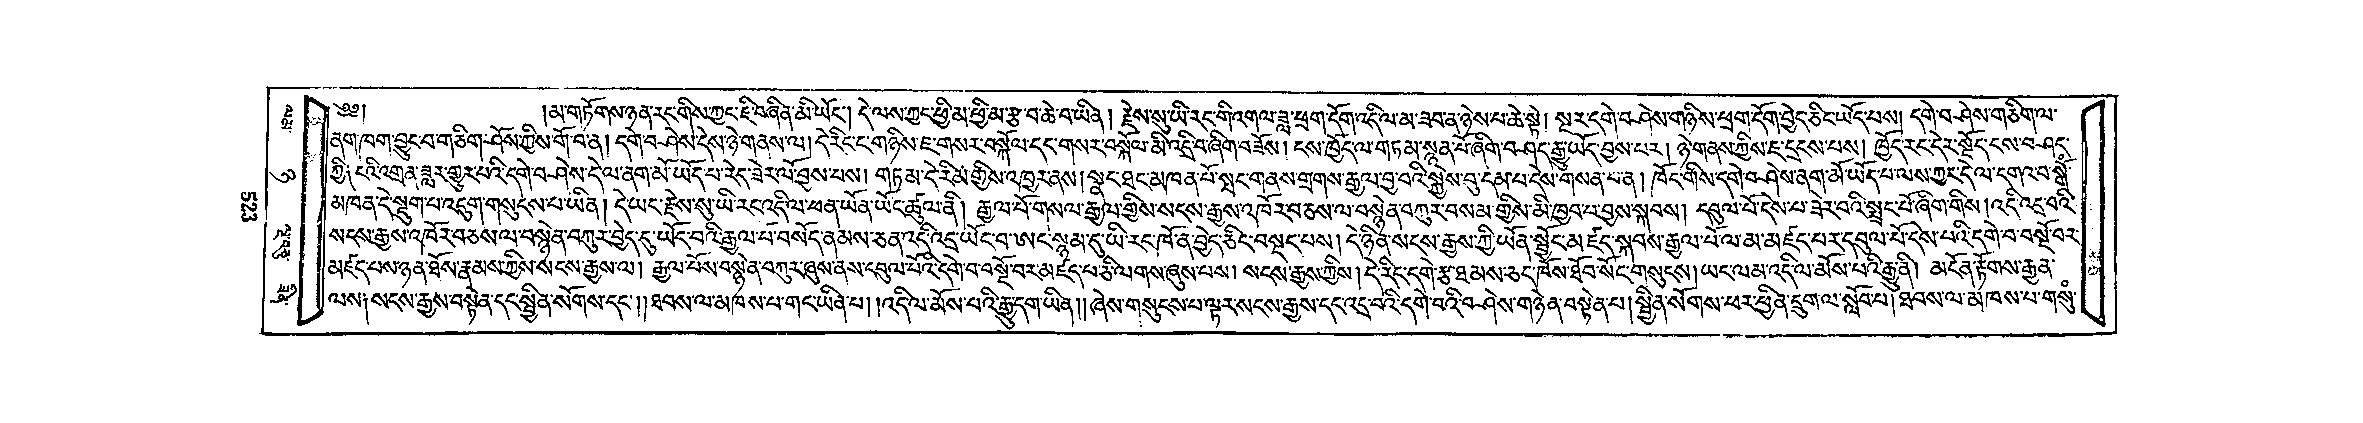༄༅། །མ་གཏོགས་ཉན་རང་གིས་ཀྱང་ཇི་བཞིན་མི་ཡོང་། དེ་ལས་ཀྱང་ཕྱི་མ་ཕྱི་མ་རྩ་བ་ཆེ་བ་ཡིན། རྗེས་སུ་ཡི་རང་གི་འགལ་ཟླ་ཕྲག་དོག་འདི་ལ་མ་ཟབ་ན་ཉེས་པ་ཆེ་སྟེ། སྔར་དགེ་བཤེས་གཉིས་ཕྲག་དོག་བྱེད་ཅིང་ཡོད་པས། དགེ་བཤེས་གཅིག་ལ་
ནག་ཁག་བྱུང་བ་གཅིག་ཤོས་ཀྱིས་གོ་བ་ན། དགེ་བཤེས་དེས་ཉེ་གནས་ལ། དེ་རིང་ང་གཉིས་ཇ་གསར་བསྐོལ་དང་གསར་བསྐོལ་མི་འདྲི་བ་ཞིག་བཟོས། ངས་ཁྱོད་ལ་གཏམ་སྙན་པོ་ཞིག་བཤད་རྒྱུ་ཡོད་བྱས་པར། ཉེ་གནས་ཀྱིས་ཇ་དྲངས་པས། ཁྱོད་རང་དེར་སྡོད་ངས་བཤད་
ཀྱི། ངའི་འགྲན་ཟླར་གྱུར་པའི་དགེ་བཤེས་དེ་ལ་ནག་མོ་ཡོད་པ་རེད་ཟེར་ལོ་བྱས་པས། གཏམ་དེ་རིམ་གྱིས་འཁྱར་ནས། སྣང་ཐང་མཁན་པོ་སྤང་གནས་གྲགས་རྒྱལ་བྱ་བའི་སྐྱེས་བུ་དམ་པ་དེས་གསན་པ་ན། ཁོང་གིས་དགེ་བཤེས་ནག་མོ་ཡོད་པ་ལས་ཀྱང་དེ་ལ་དགའ་བ་སྒོཾ་
མཁན་དེ་སྡུག་པ་འདུག་གསུངས་པ་ཡིན། དེ་ཡང་རྗེས་སུ་ཡི་རང་འདི་ལ་ཕན་ཡོན་ཡོད་ཚུལ་ནི། རྒྱལ་པོ་གསལ་རྒྱལ་གྱིས་སངས་རྒྱས་འཁོར་བཅས་ལ་བསྙེན་བཀུར་བསམ་གྱིས་མི་ཁྱབ་པ་བྱས་སྐབས། དབུལ་པོ་དེས་པ་ཟེར་བའི་སྤྲང་པོ་ཞིག་གིས། འདི་འདྲ་བའི་
སངས་རྒྱས་འཁོར་བཅས་ལ་བསྙེན་བཀུར་བྱེད་དུ་ཡོད་བའི་རྒྱལ་པོ་བསོད་ནམས་ཅན་འདི་འདྲ་ཡོང་བ་ཨང་སྙམ་དུ་ཡི་རང་ཁོ་ན་བྱེད་ཅིང་བསྡད་པས། དེ་ཉིན་སངས་རྒྱས་ཀྱི་ཡོན་སྦྱོང་མཛད་སྐབས་རྒྱལ་པོ་ལ་མ་མཛད་པར་དབུལ་པོ་དེས་པའི་དགེ་བ་བསྔོ་བར་
མཛད་པས་ཉན་ཐོས་རྣམས་ཀྱིས་སངས་རྒྱས་ལ། རྒྱལ་པོས་བསྙེན་བཀུར་ཞུས་ནས་དབུལ་པོའི་དགེ་བ་བསྔོ་བར་མཛད་པ་ཅི་ལགས་ཞུས་པས། སངས་རྒྱས་ཀྱིས། དེ་རིང་དགེ་རྩ་ཐམས་ཅད་ཁོས་ཐོབ་སོང་གསུངས། ཡང་ལམ་འདི་ལ་མོས་པའི་རྒྱུ་ནི། མངོན་རྟོགས་རྒྱན་
ལས། སངས་རྒྱས་བསྟེན་དང་སྦྱིན་སོགས་དང་། །ཐབས་ལ་མཁས་པ་གང་ཡིན་པ། །འདི་ལ་མོས་པའི་རྒྱུ་དག་ཡིན། །ཞེས་གསུངས་པ་ལྟར་སངས་རྒྱས་དང་འདྲ་བའི་དགེ་བའི་བཤེས་གཉེན་བསྟེན་པ། སྦྱིན་སོགས་ཕར་ཕྱིན་དྲུག་ལ་སློབ་པ། ཐབས་ལ་མཁས་པ་གསུམ་